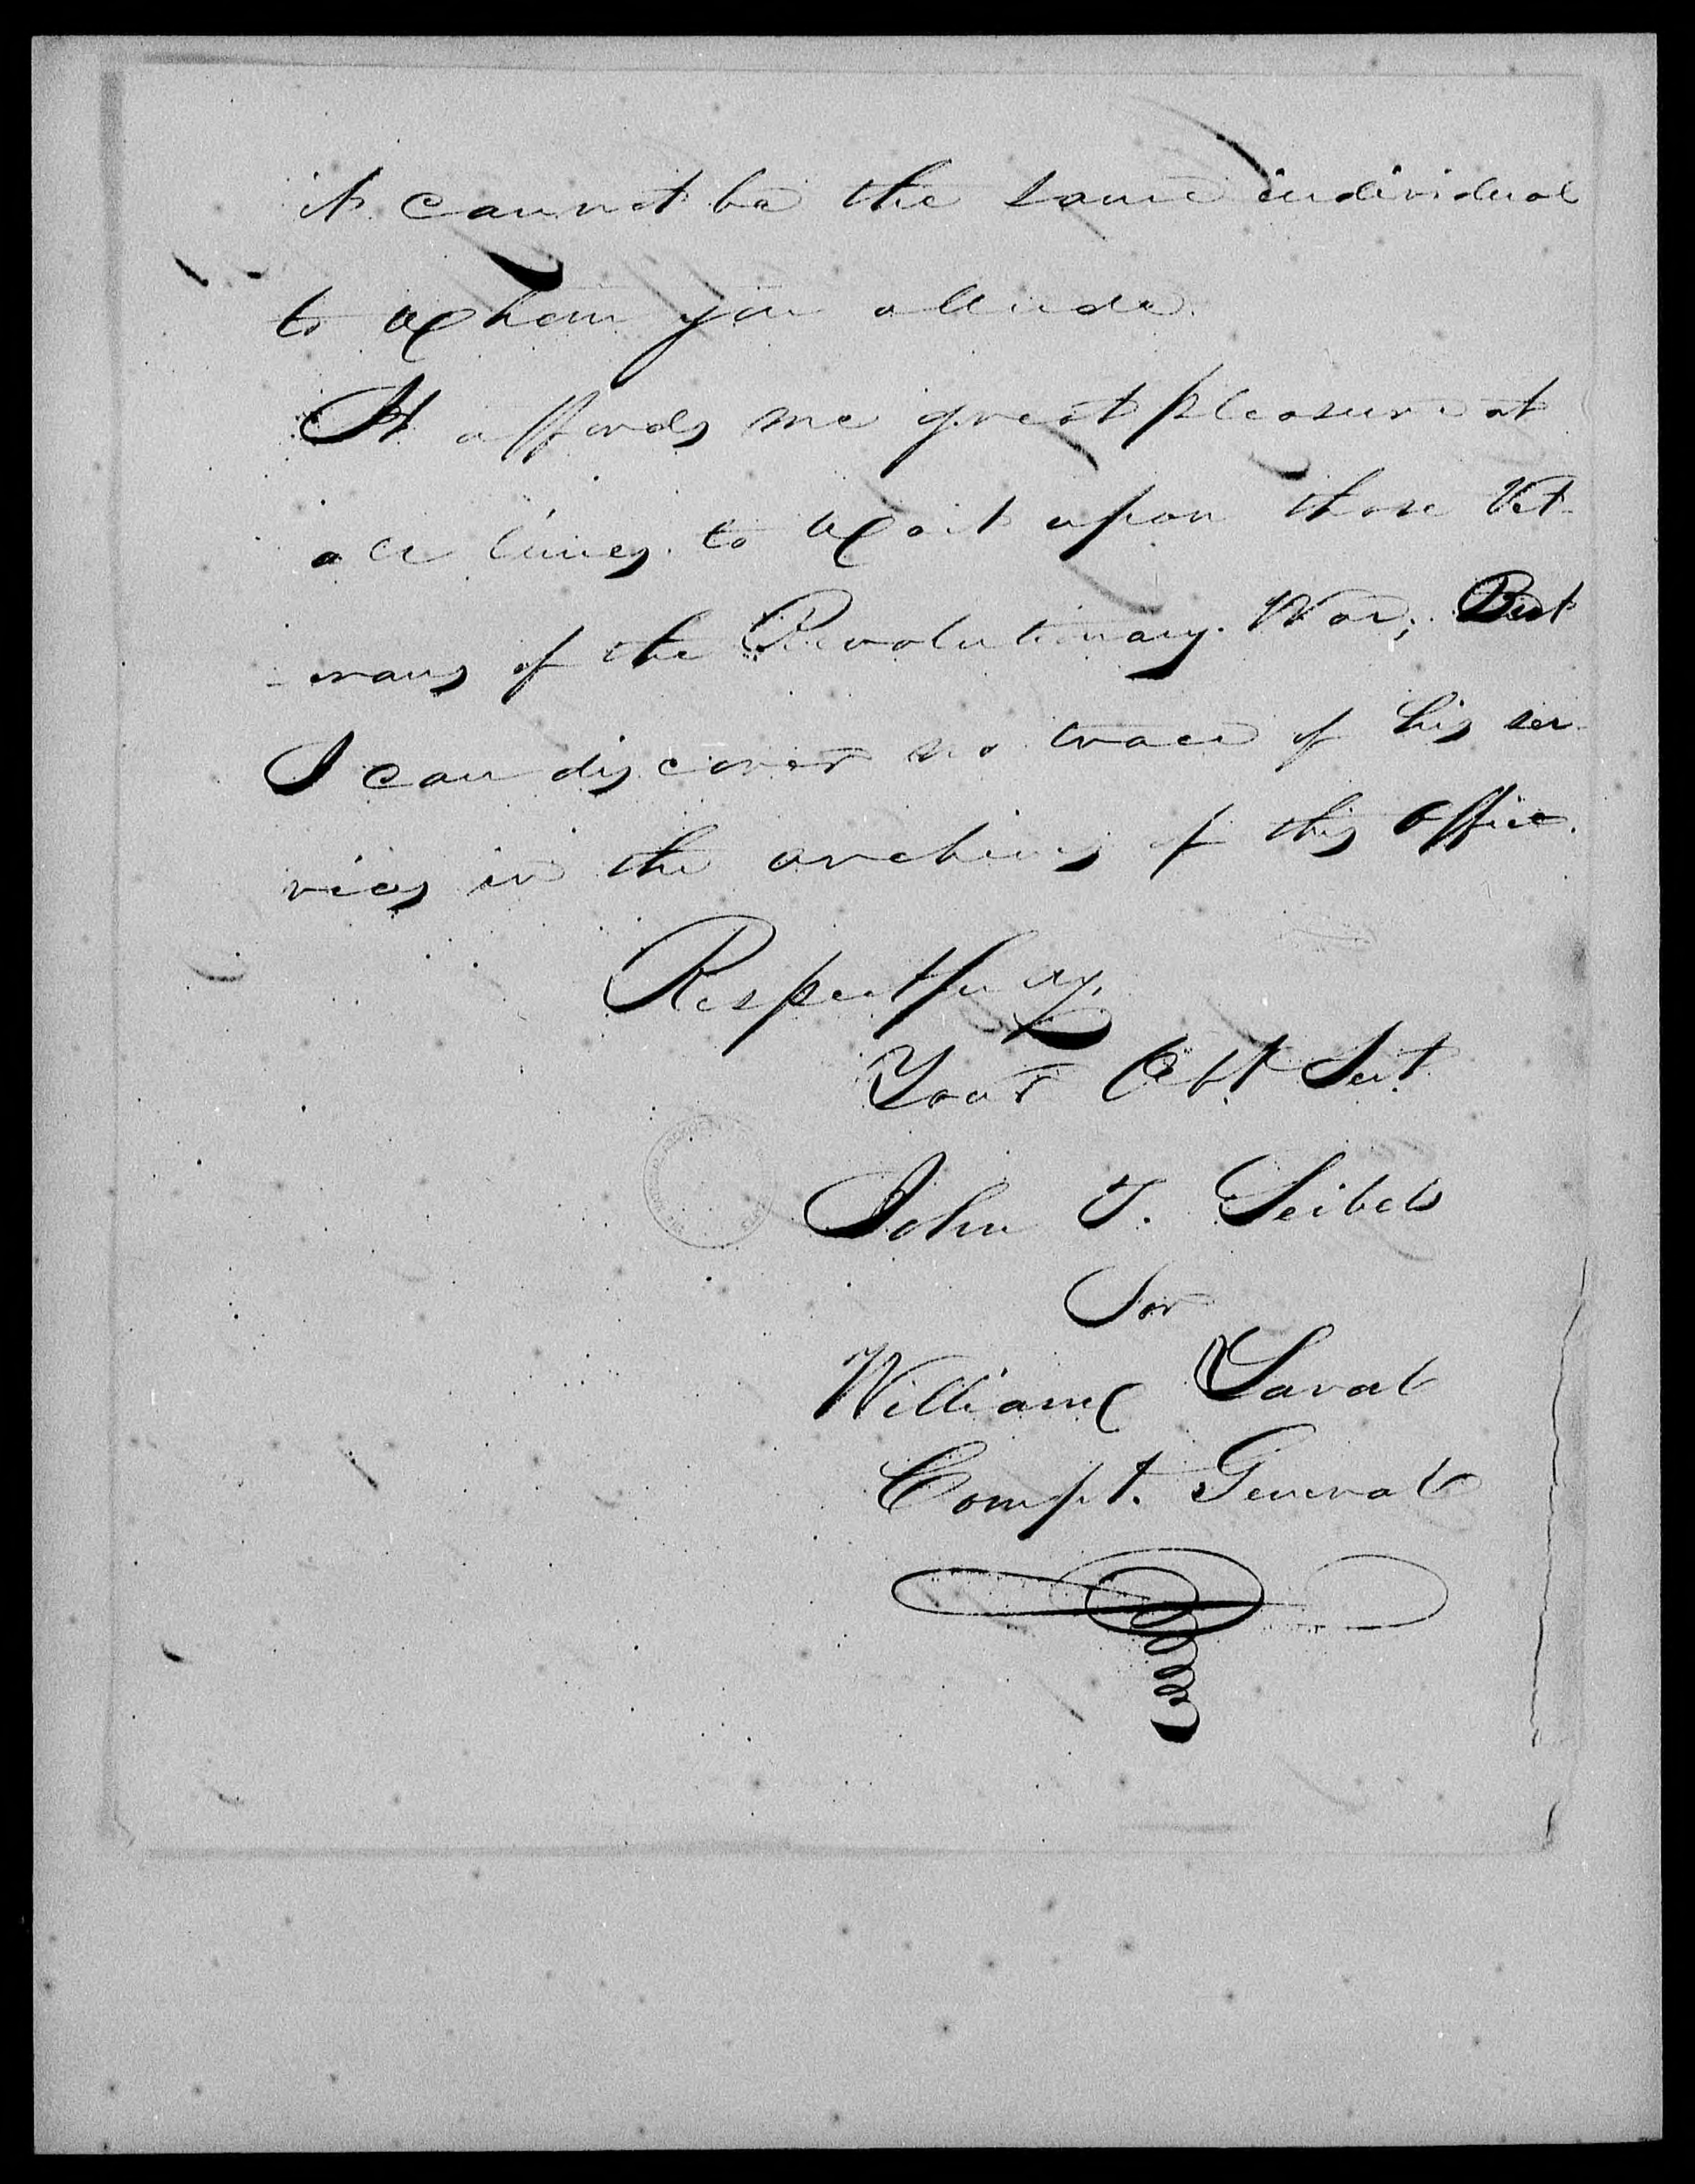it cannot be the same individual to whom you allude. It affords me great pleasure at [illegible] to wait upon those Veterans of the Revolutionary War. But I can discover no trace of his services in the archives of this office.

Respectfully,
Your Obt. Sert.
John T Seibels
for
William Saval
Compt. General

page: 32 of 33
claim: rejected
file: R 10439, for William Taylor, North Carolina